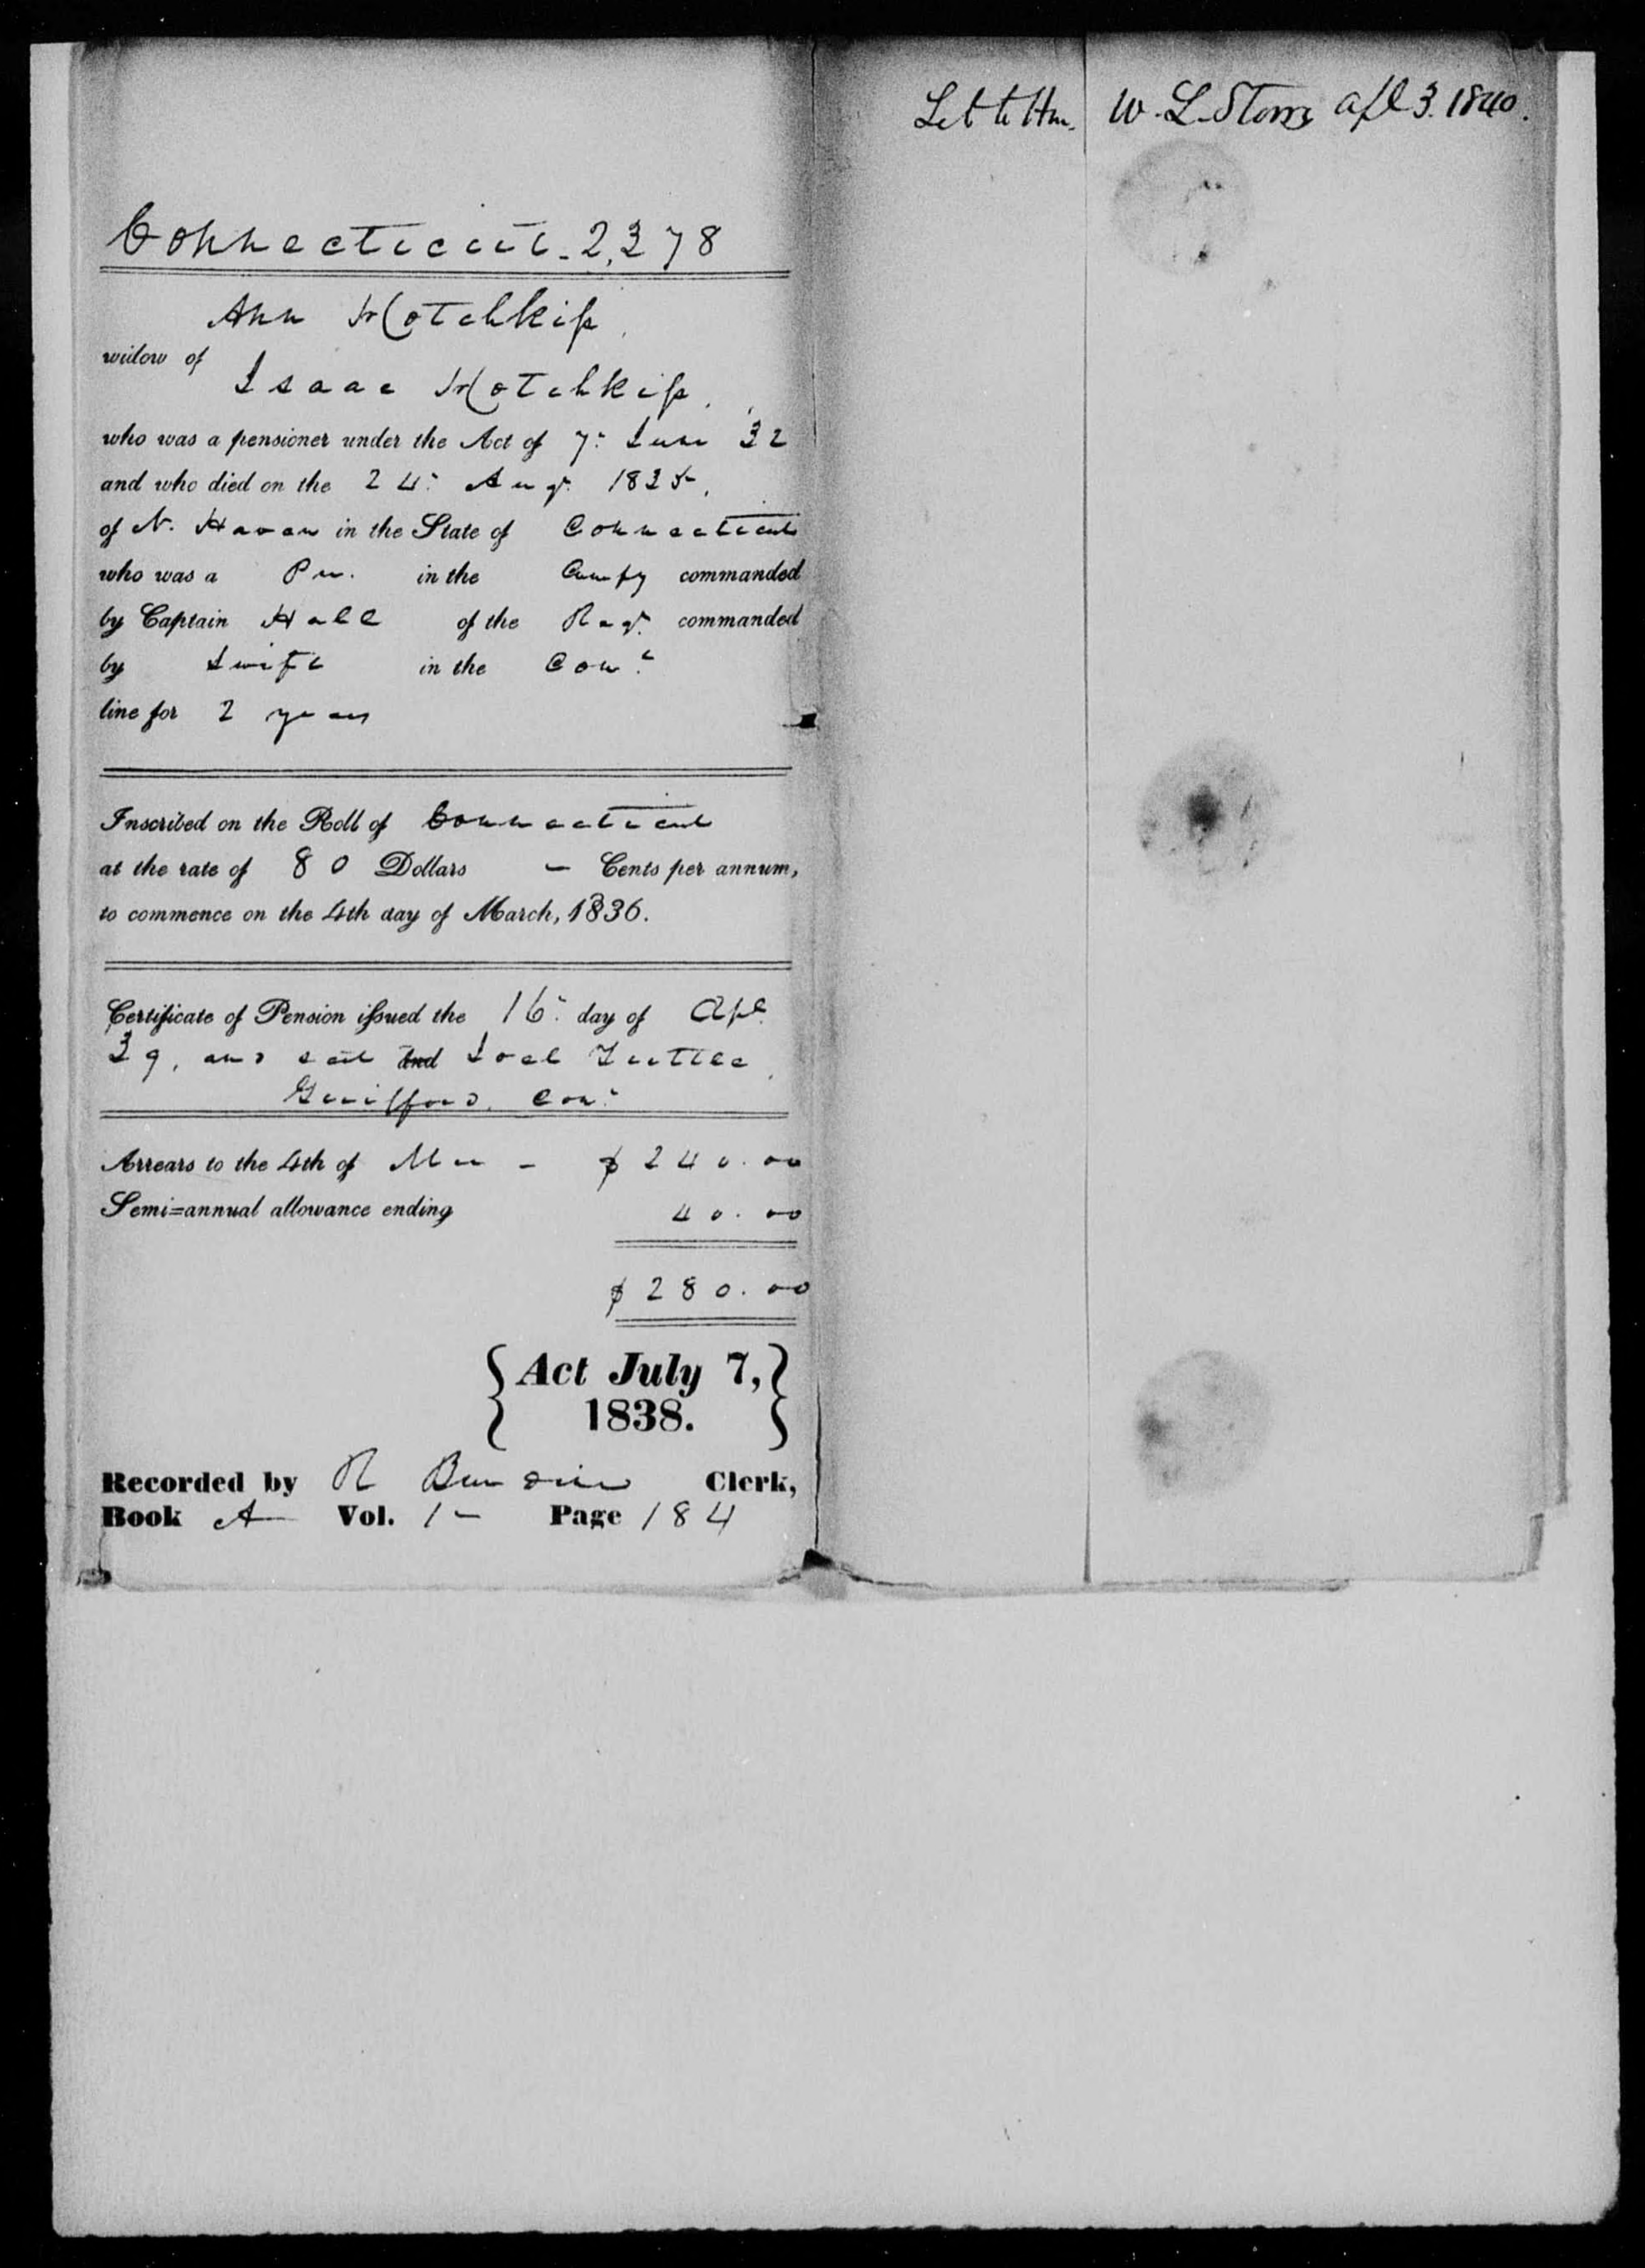Connecticut 2,378  Let to H. W.L. Stone Apl 3. 1840
Ann Hotchkiss
widow of Isaac Hotchkiss
who was a pensioner under the act of 7 June '32 who died on the 24 Aug 1835. of N. Haven in the State of Connecticut who was a Pri. in the Company commanded by Captain Hall of the Reg. commanded by Swift in the Cont line for 2 years
Inscribed on the Roll of Connecticut at the rate of 80 Dollars  - Center per annum, to commence on the 4th day of March 1836.

Certificate of Pension issued the 16 day of Apl 39 and said and Joel Tuttle Guilford Con.
Arrears to the 4th of Mar - @240.00
Semi=annual allowance ending 40.00
                                                    $280.00
{Act July 7, 1838}
Recorded by R. Bundin Clerk. 
Book A Vol. 1- Page 184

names: Hall, Swift, Joel Tuttle, W L Stone, R Burdine, Isaac Hotchkiss, Ann Hotchkiss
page: 18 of 25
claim: widow's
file: W. 18,021, Isaac Hotchkiss, Conn.